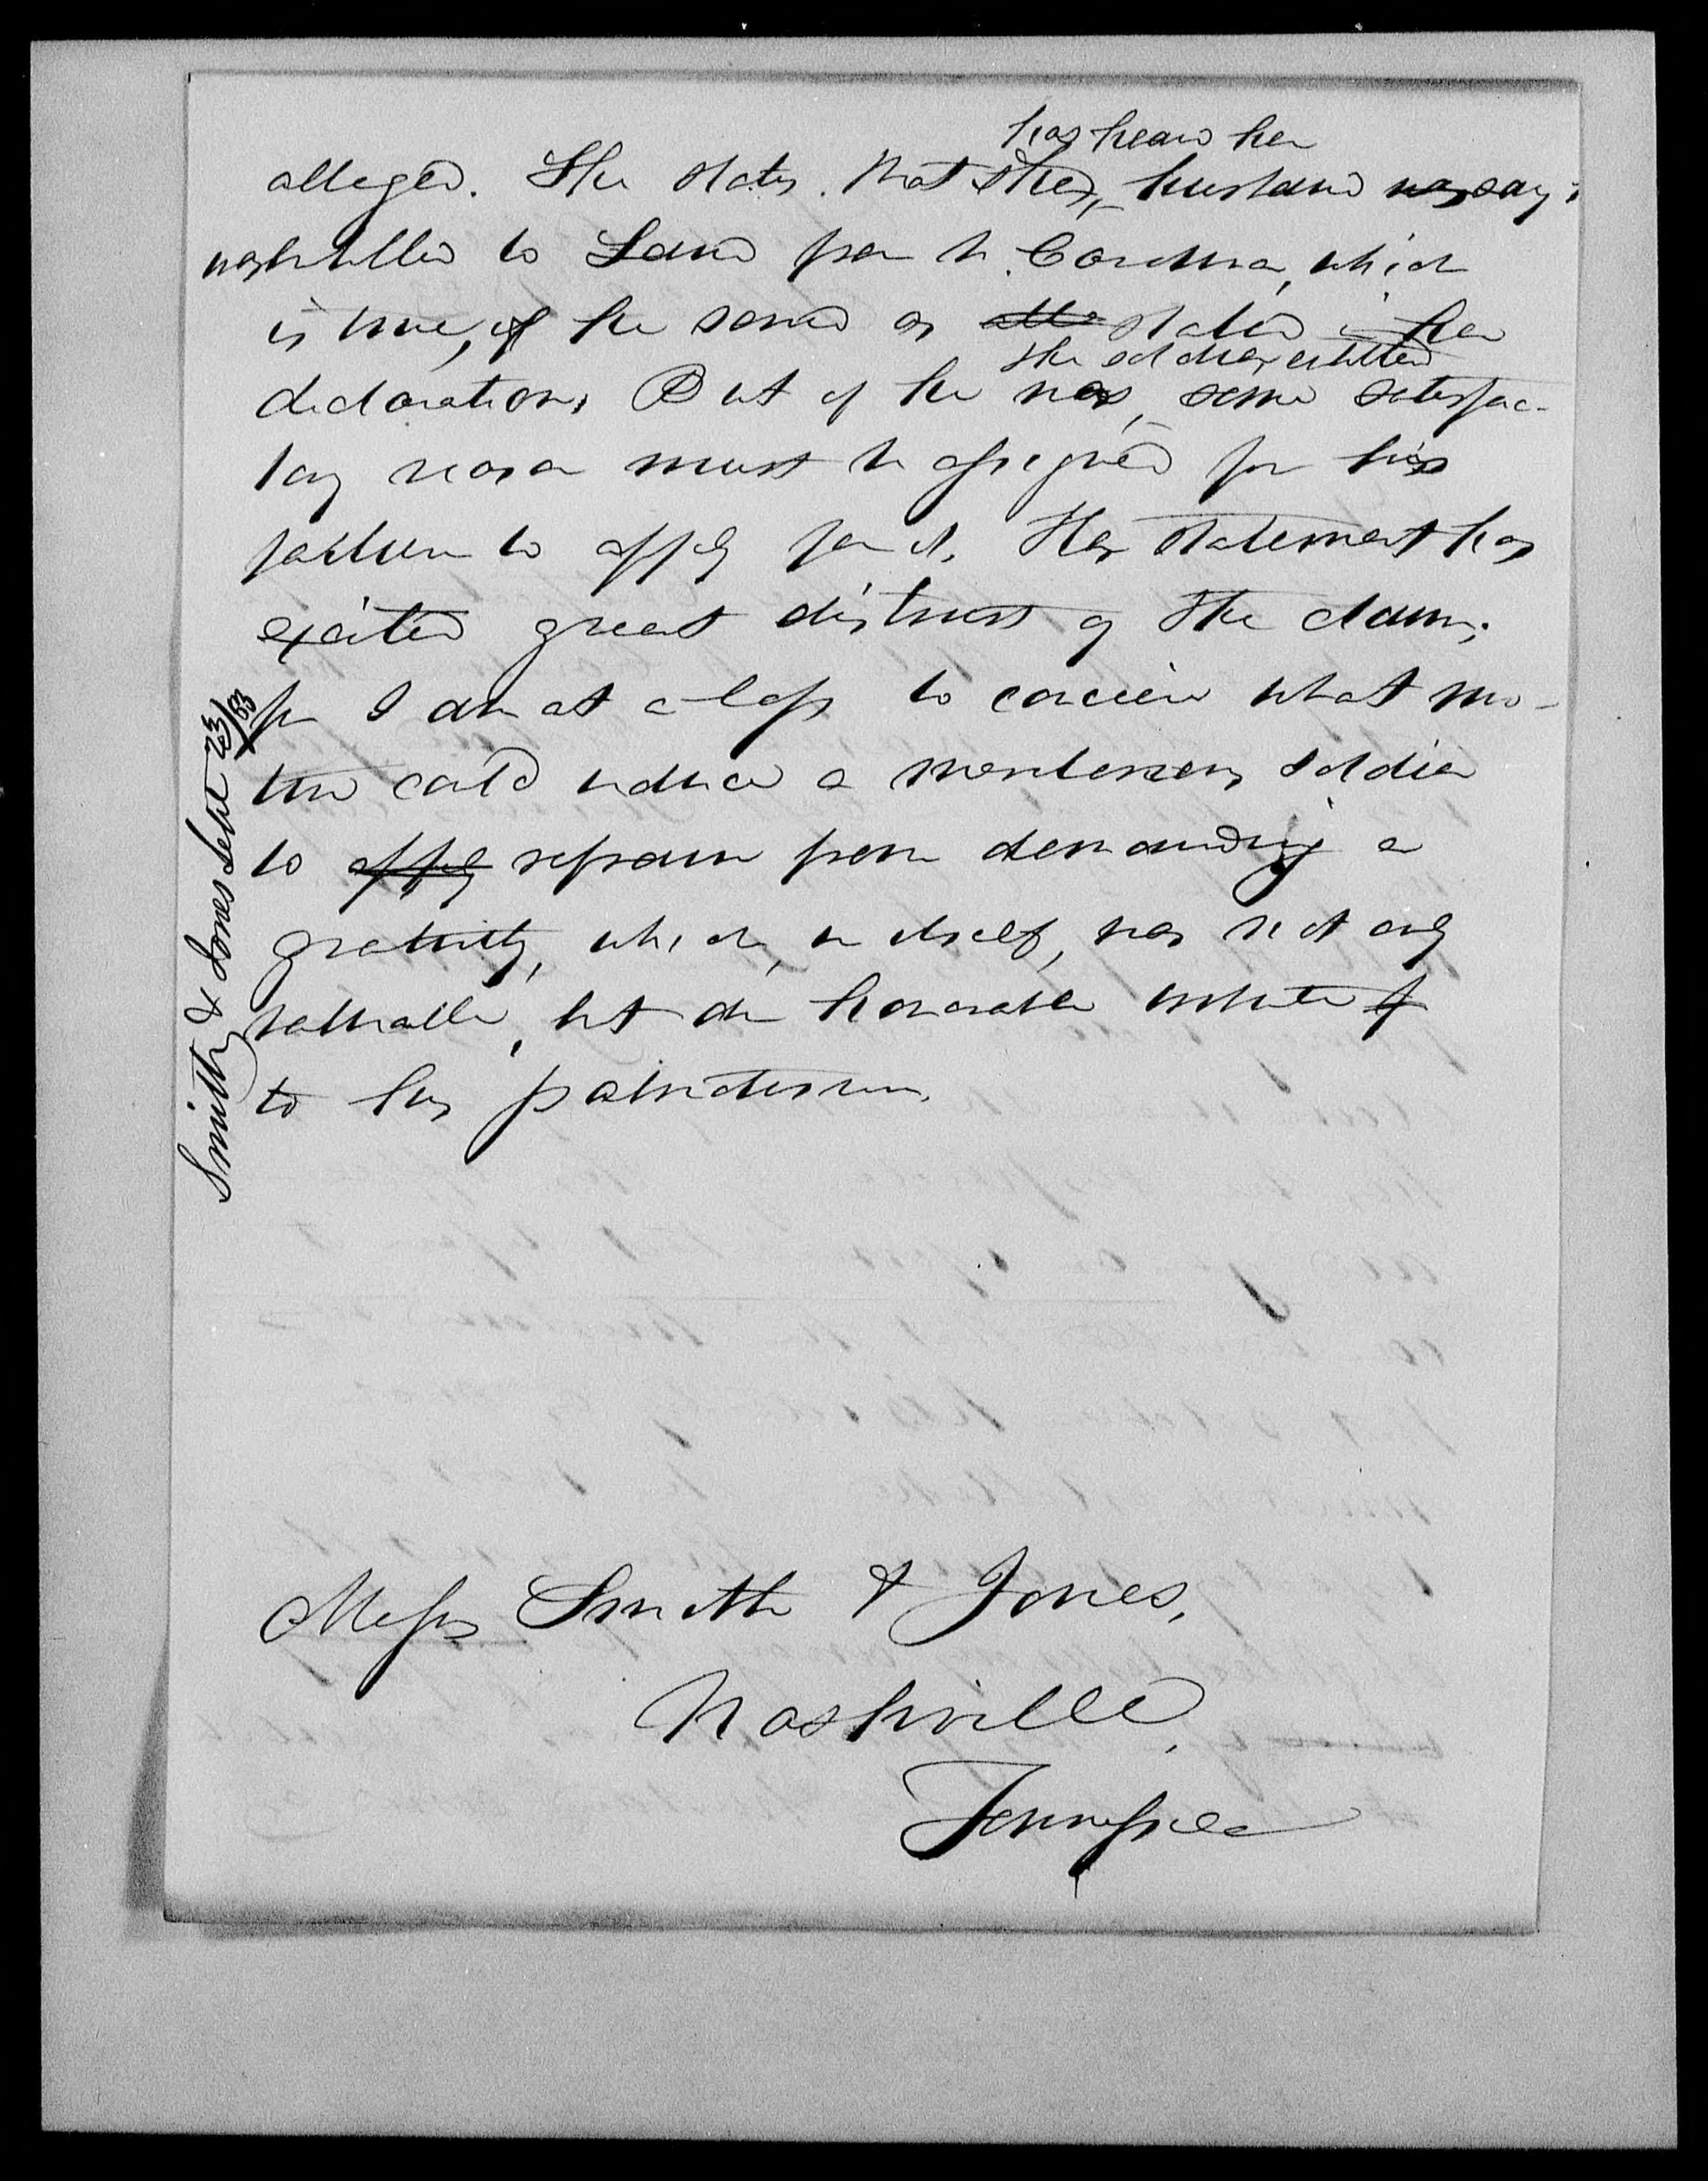alleged.  She states that her husband was [say?]
entitled to Land from N. Carolina, which 
is true, if he served as stated in her 
declaration.  But if he was, the soldier entitled some satisfactory 
reason must be assigned for his 
[failure?] to apply for it.  Her statement has
[excited?] great interest of the claim;
[illegible] I am at a loss to conceive what motion
could induce a revolutionary soldier
to refrain from demanding a 
gratuity, which on itself, was not only
[rational?] but an honorable [illegible] 
to his [patriotism?]


Messrs Smith & Jones
Nashville
Tennessee


[vertically along the left margin]
Smith & Jones Sept 23/53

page: 22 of 33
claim: rejected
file: R. 1554, for Richard Jones, North Carolina